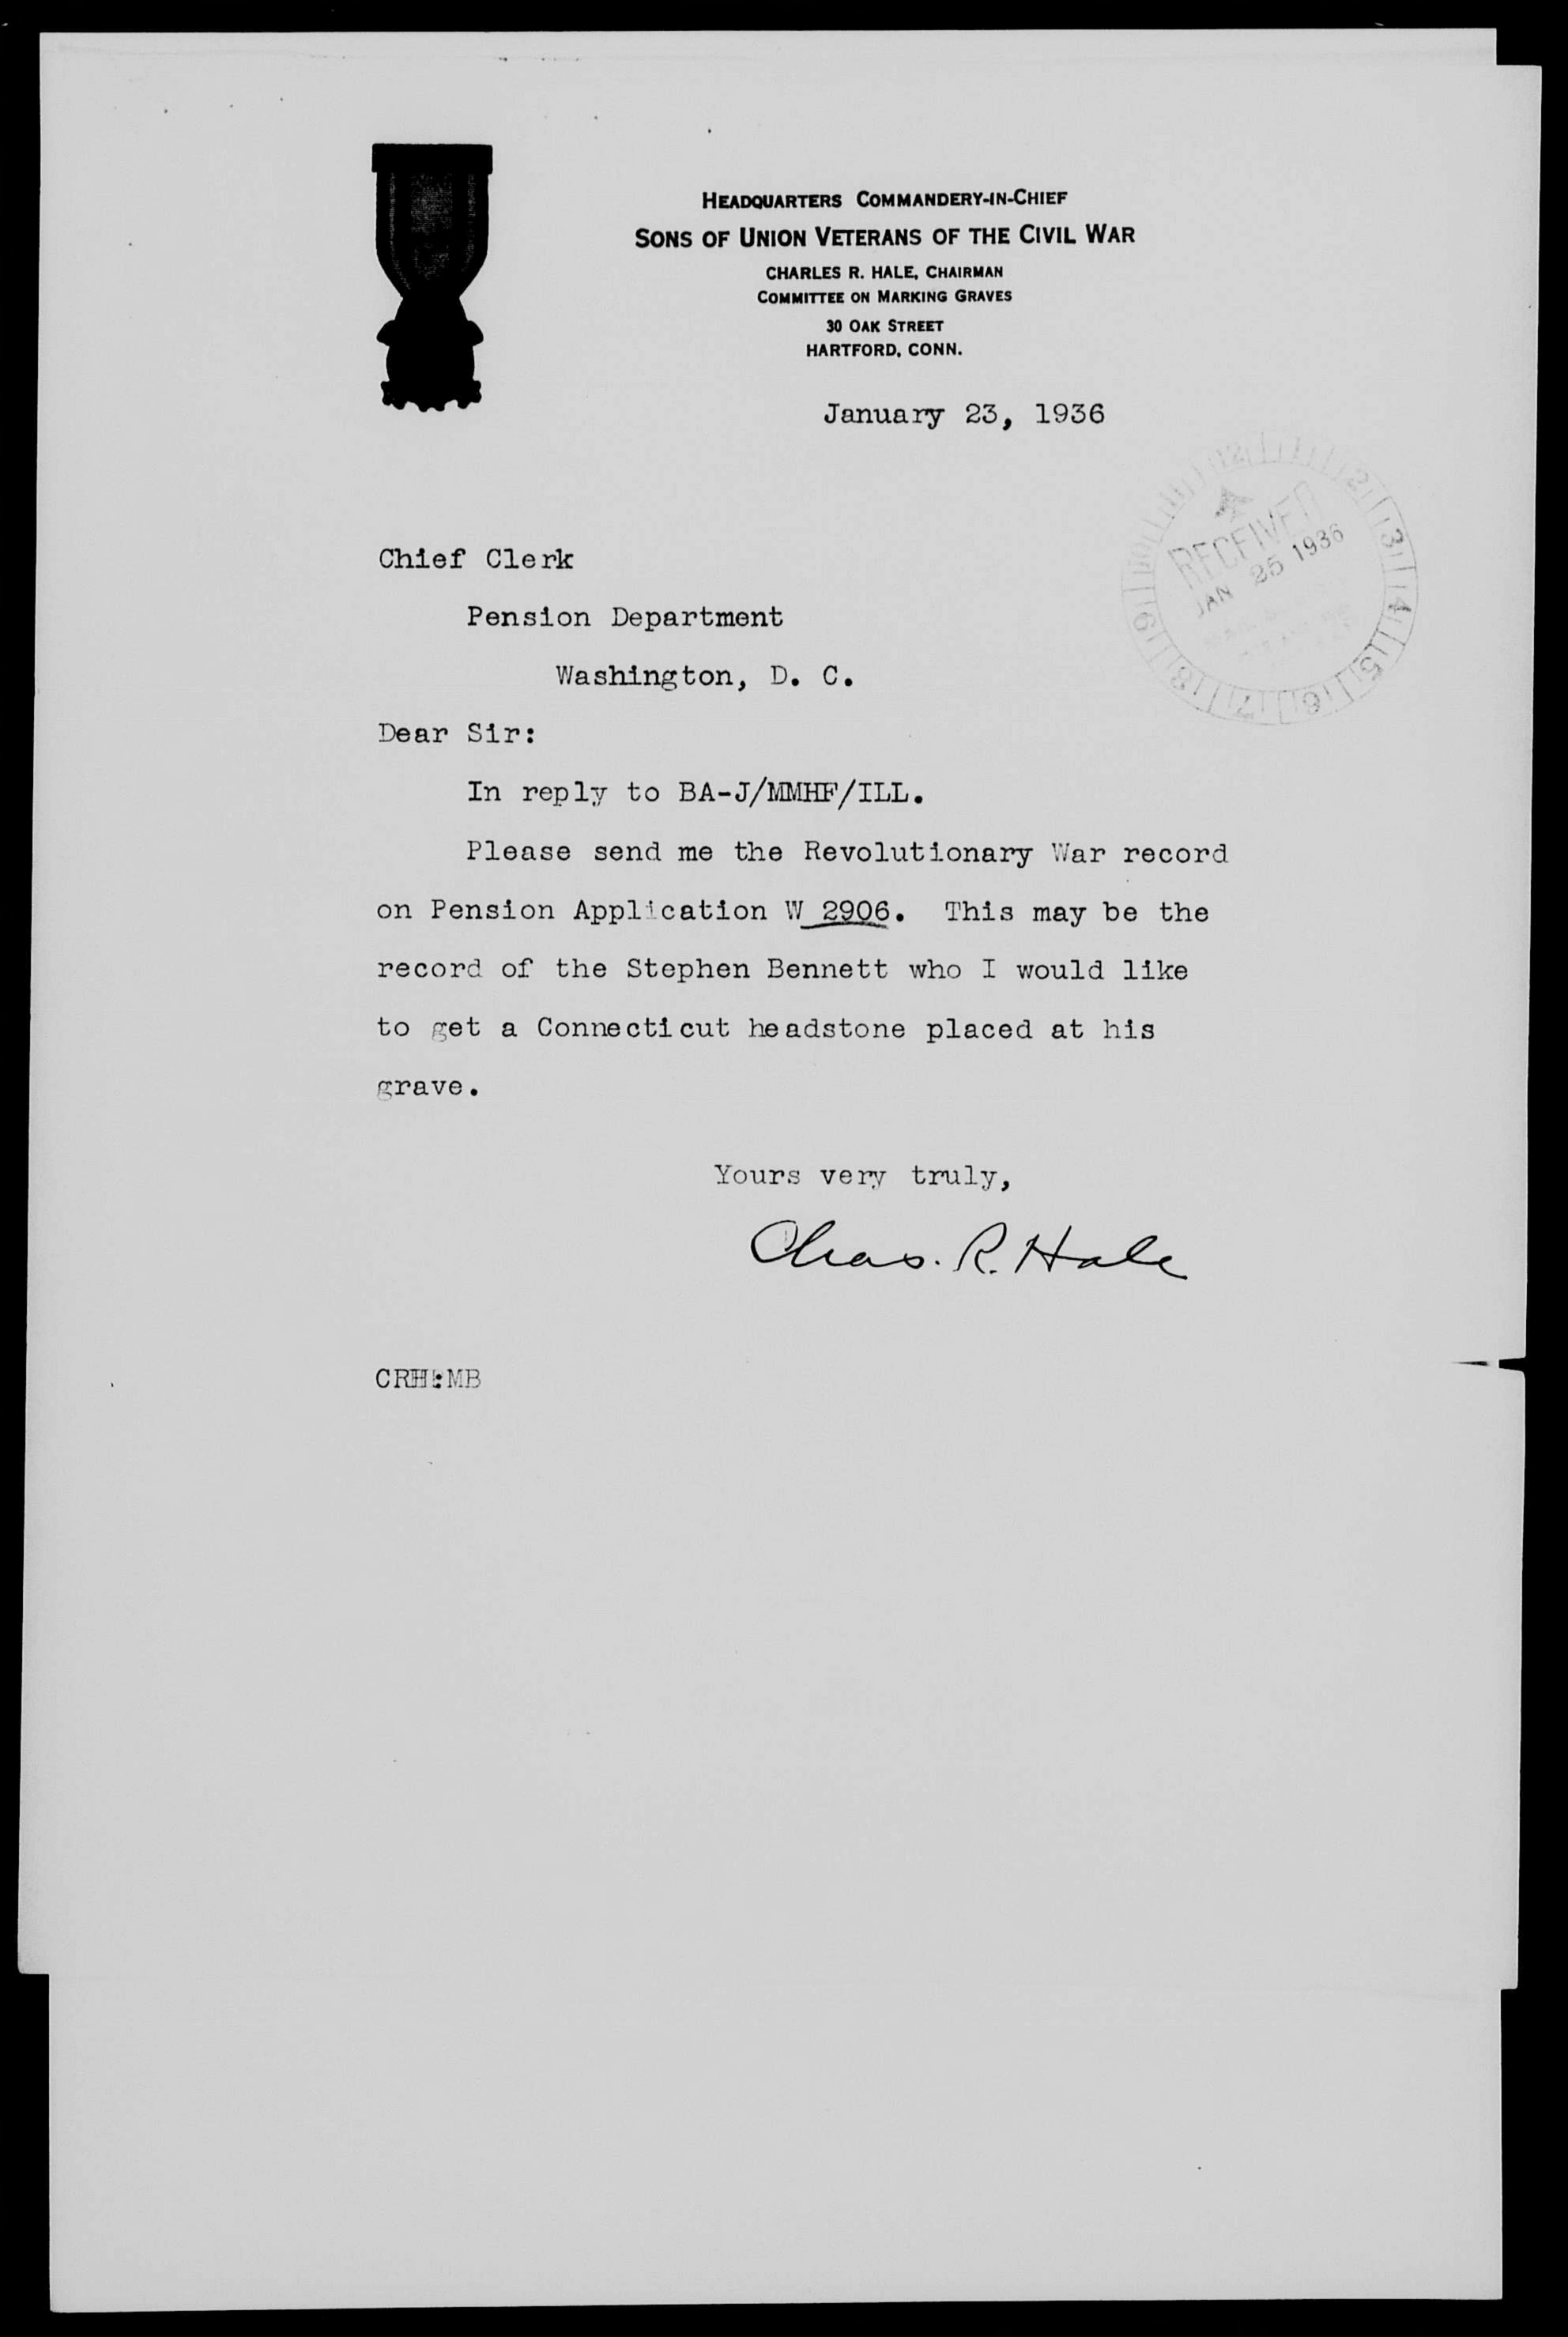HEADQUARTERS COMMANDERY AN-CHIEF SONS OF UNION VETERANS OF THE CIVIL WAR
CHARLES R. HALE, CHAIRMAN COMMITTEE ON MARKING GRAVES 30 OAK STREET HARTFORD, CONN.  January 23, 1936 Chief Clerk Pension Department Washington, D. C. [stamp] RECEIVED JAN 25 1936 [illegible] Dear Sir: In reply to BA-J/MMHF/ILL. Please send me the Revolutionary War record on Pension Application W 2906. This may be the record of the Stephen Bennett who I would like to get a Connecticut headstone placed at his grave. Yours very truly, Chas. R. Hale CRH:MB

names: Stephen Bennett, Charles R Hale, Chas R Hale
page: 78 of 79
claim: widow's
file: W. 2,906, Stephen Bennet, Conn.